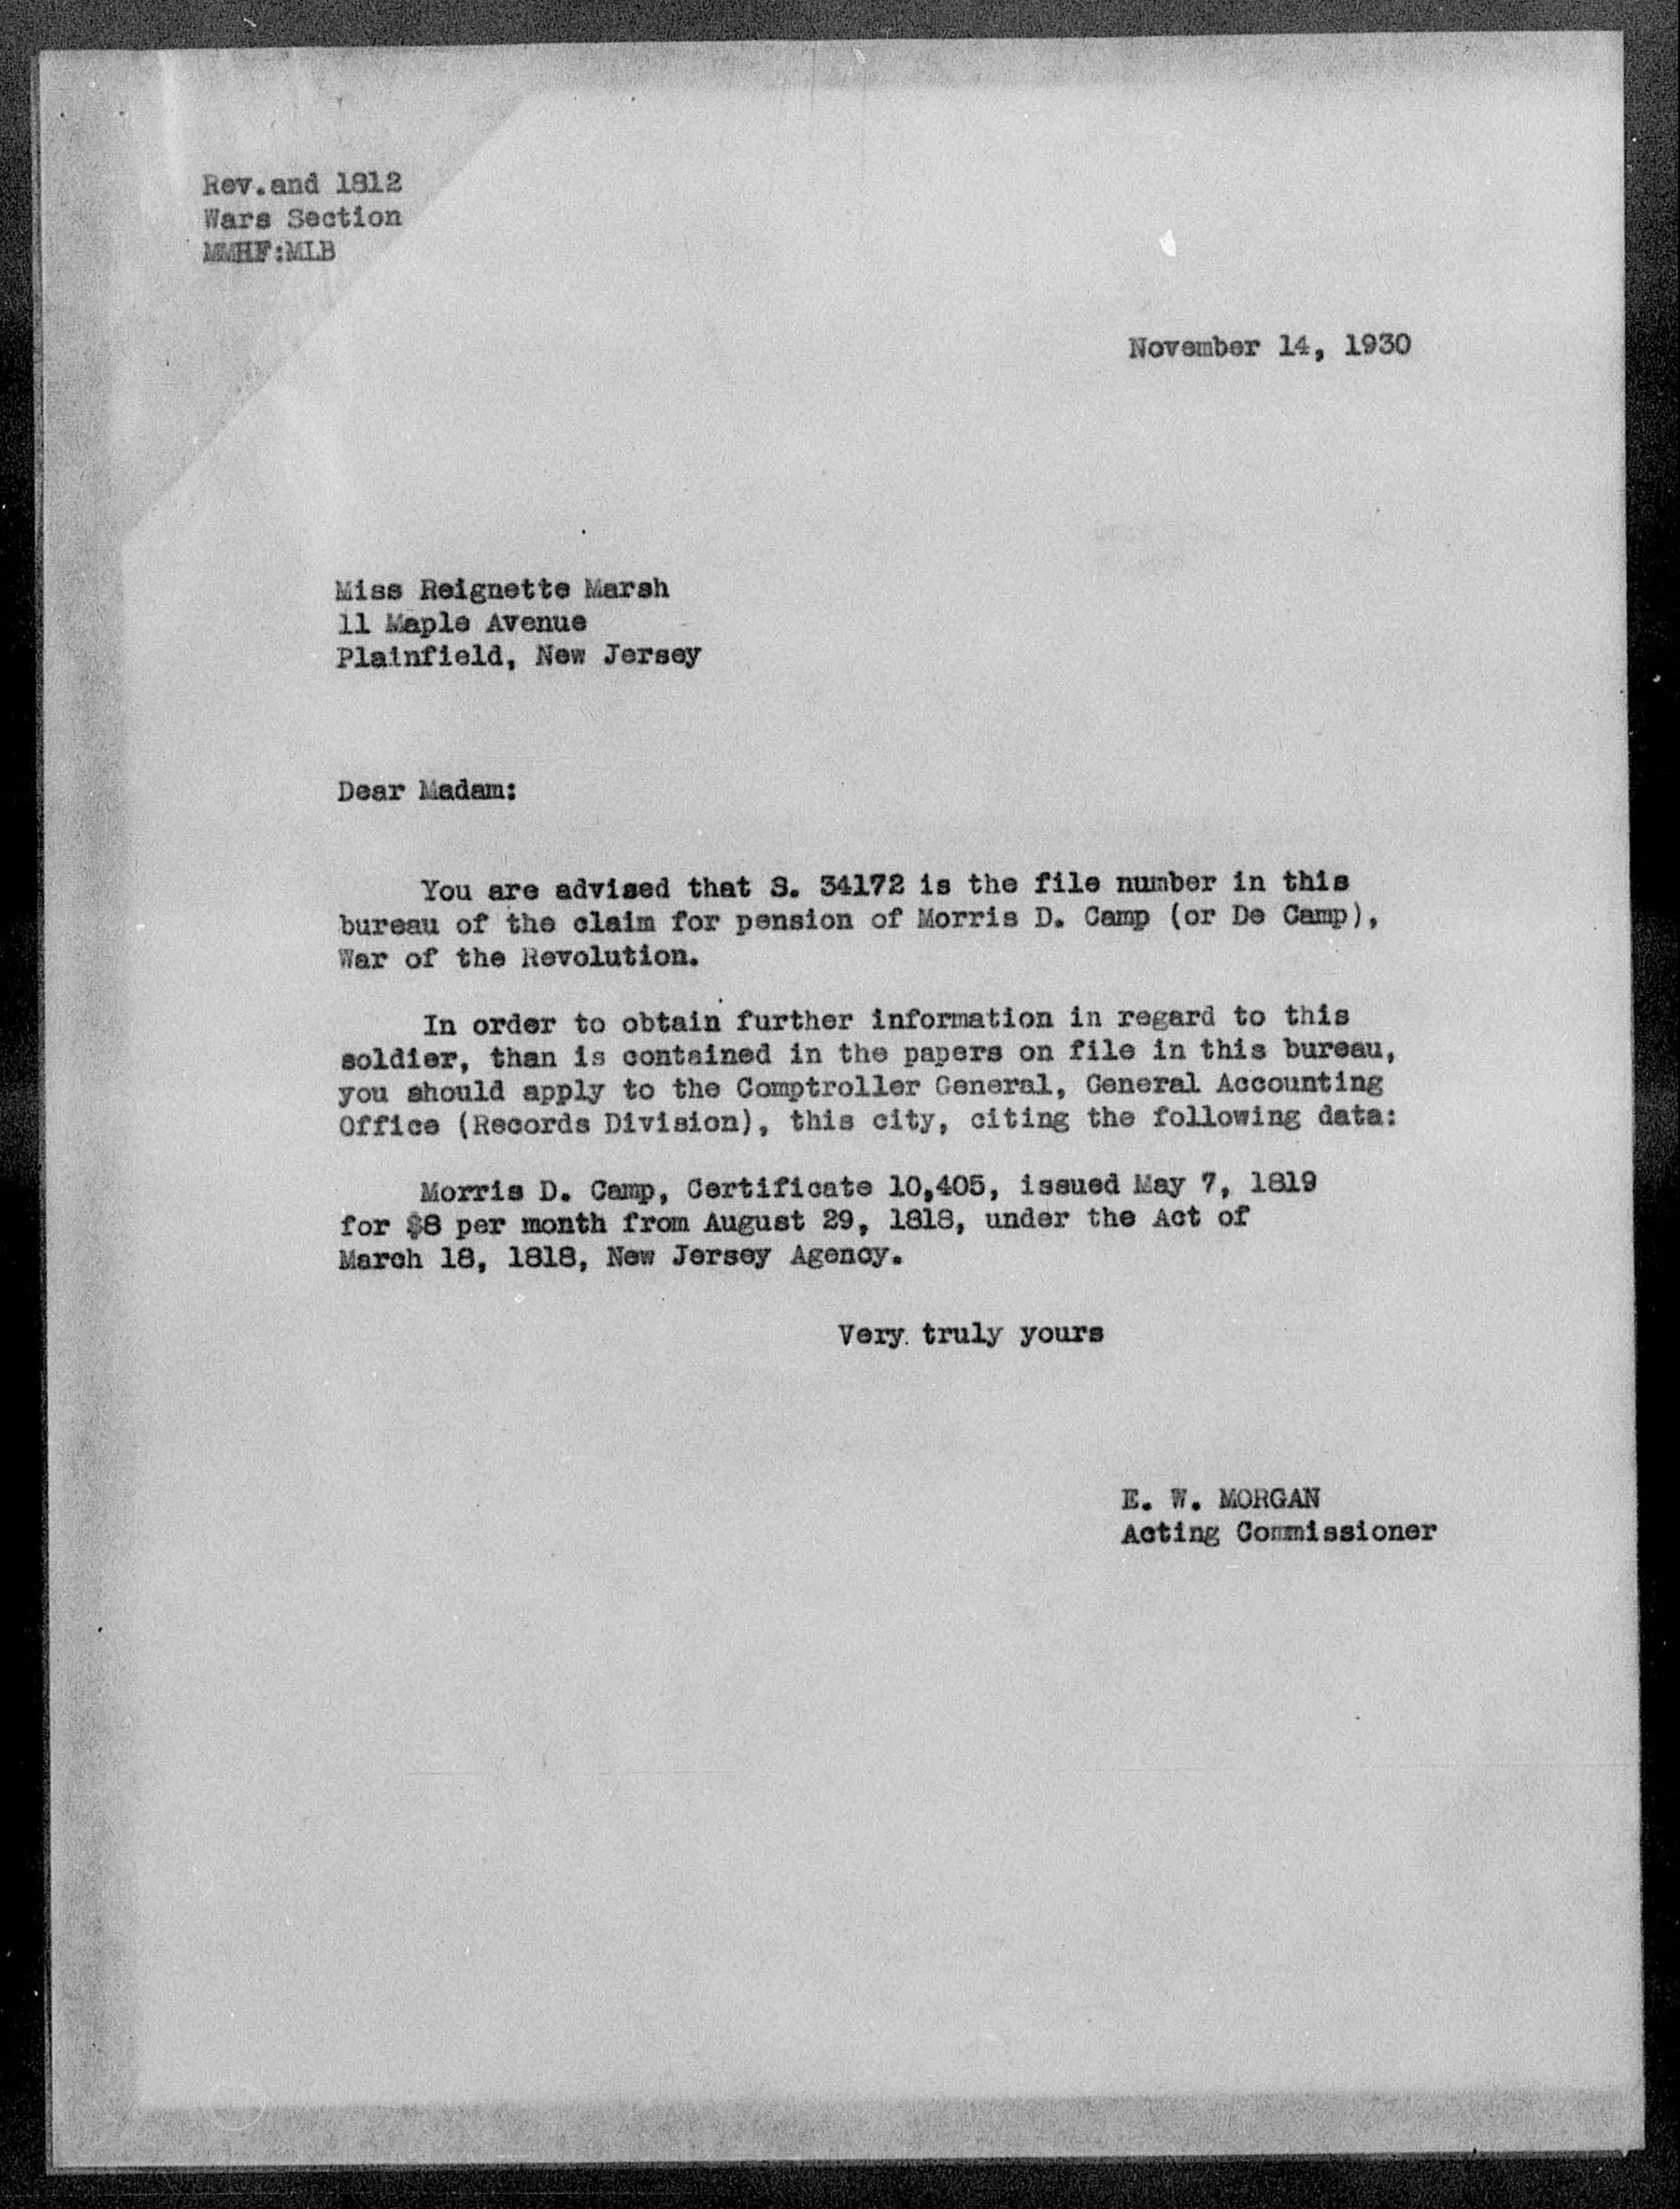Rev. and 1812
Wars Section
MMHF:MLB
November 14, 1930
Miss Reignette Marsh
11 Maple Avenue
Plainfield, New Jersey
Dear Madam:

You are advised that S. 34172 is the file number in this bureau of the claim for pension of Morris D. Camp (or De Camp),
War of the Revolution.
In order to obtain further information in regard to this soldier, than is contained in the papers on file in this bureau,
you should apply to the Comptroller General, General Accounting Office Records Division, this city, citing the following data:
Morris D. Camp, Certificate 10,405, issued May 7, 1819
for $8 per month from August 29, 1818, under the Act of March 18, 1818, New Jersey Agency.
Very truly yours
E. W. MORGAN
Acting Commissioner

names: E W Morgan, Reignette Marsh, Morris D De Camp, Morris D Camp, Morris D Camp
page: 51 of 52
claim: survivor's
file: S. 34172, Morris D Camp, Continental (New Jersey)